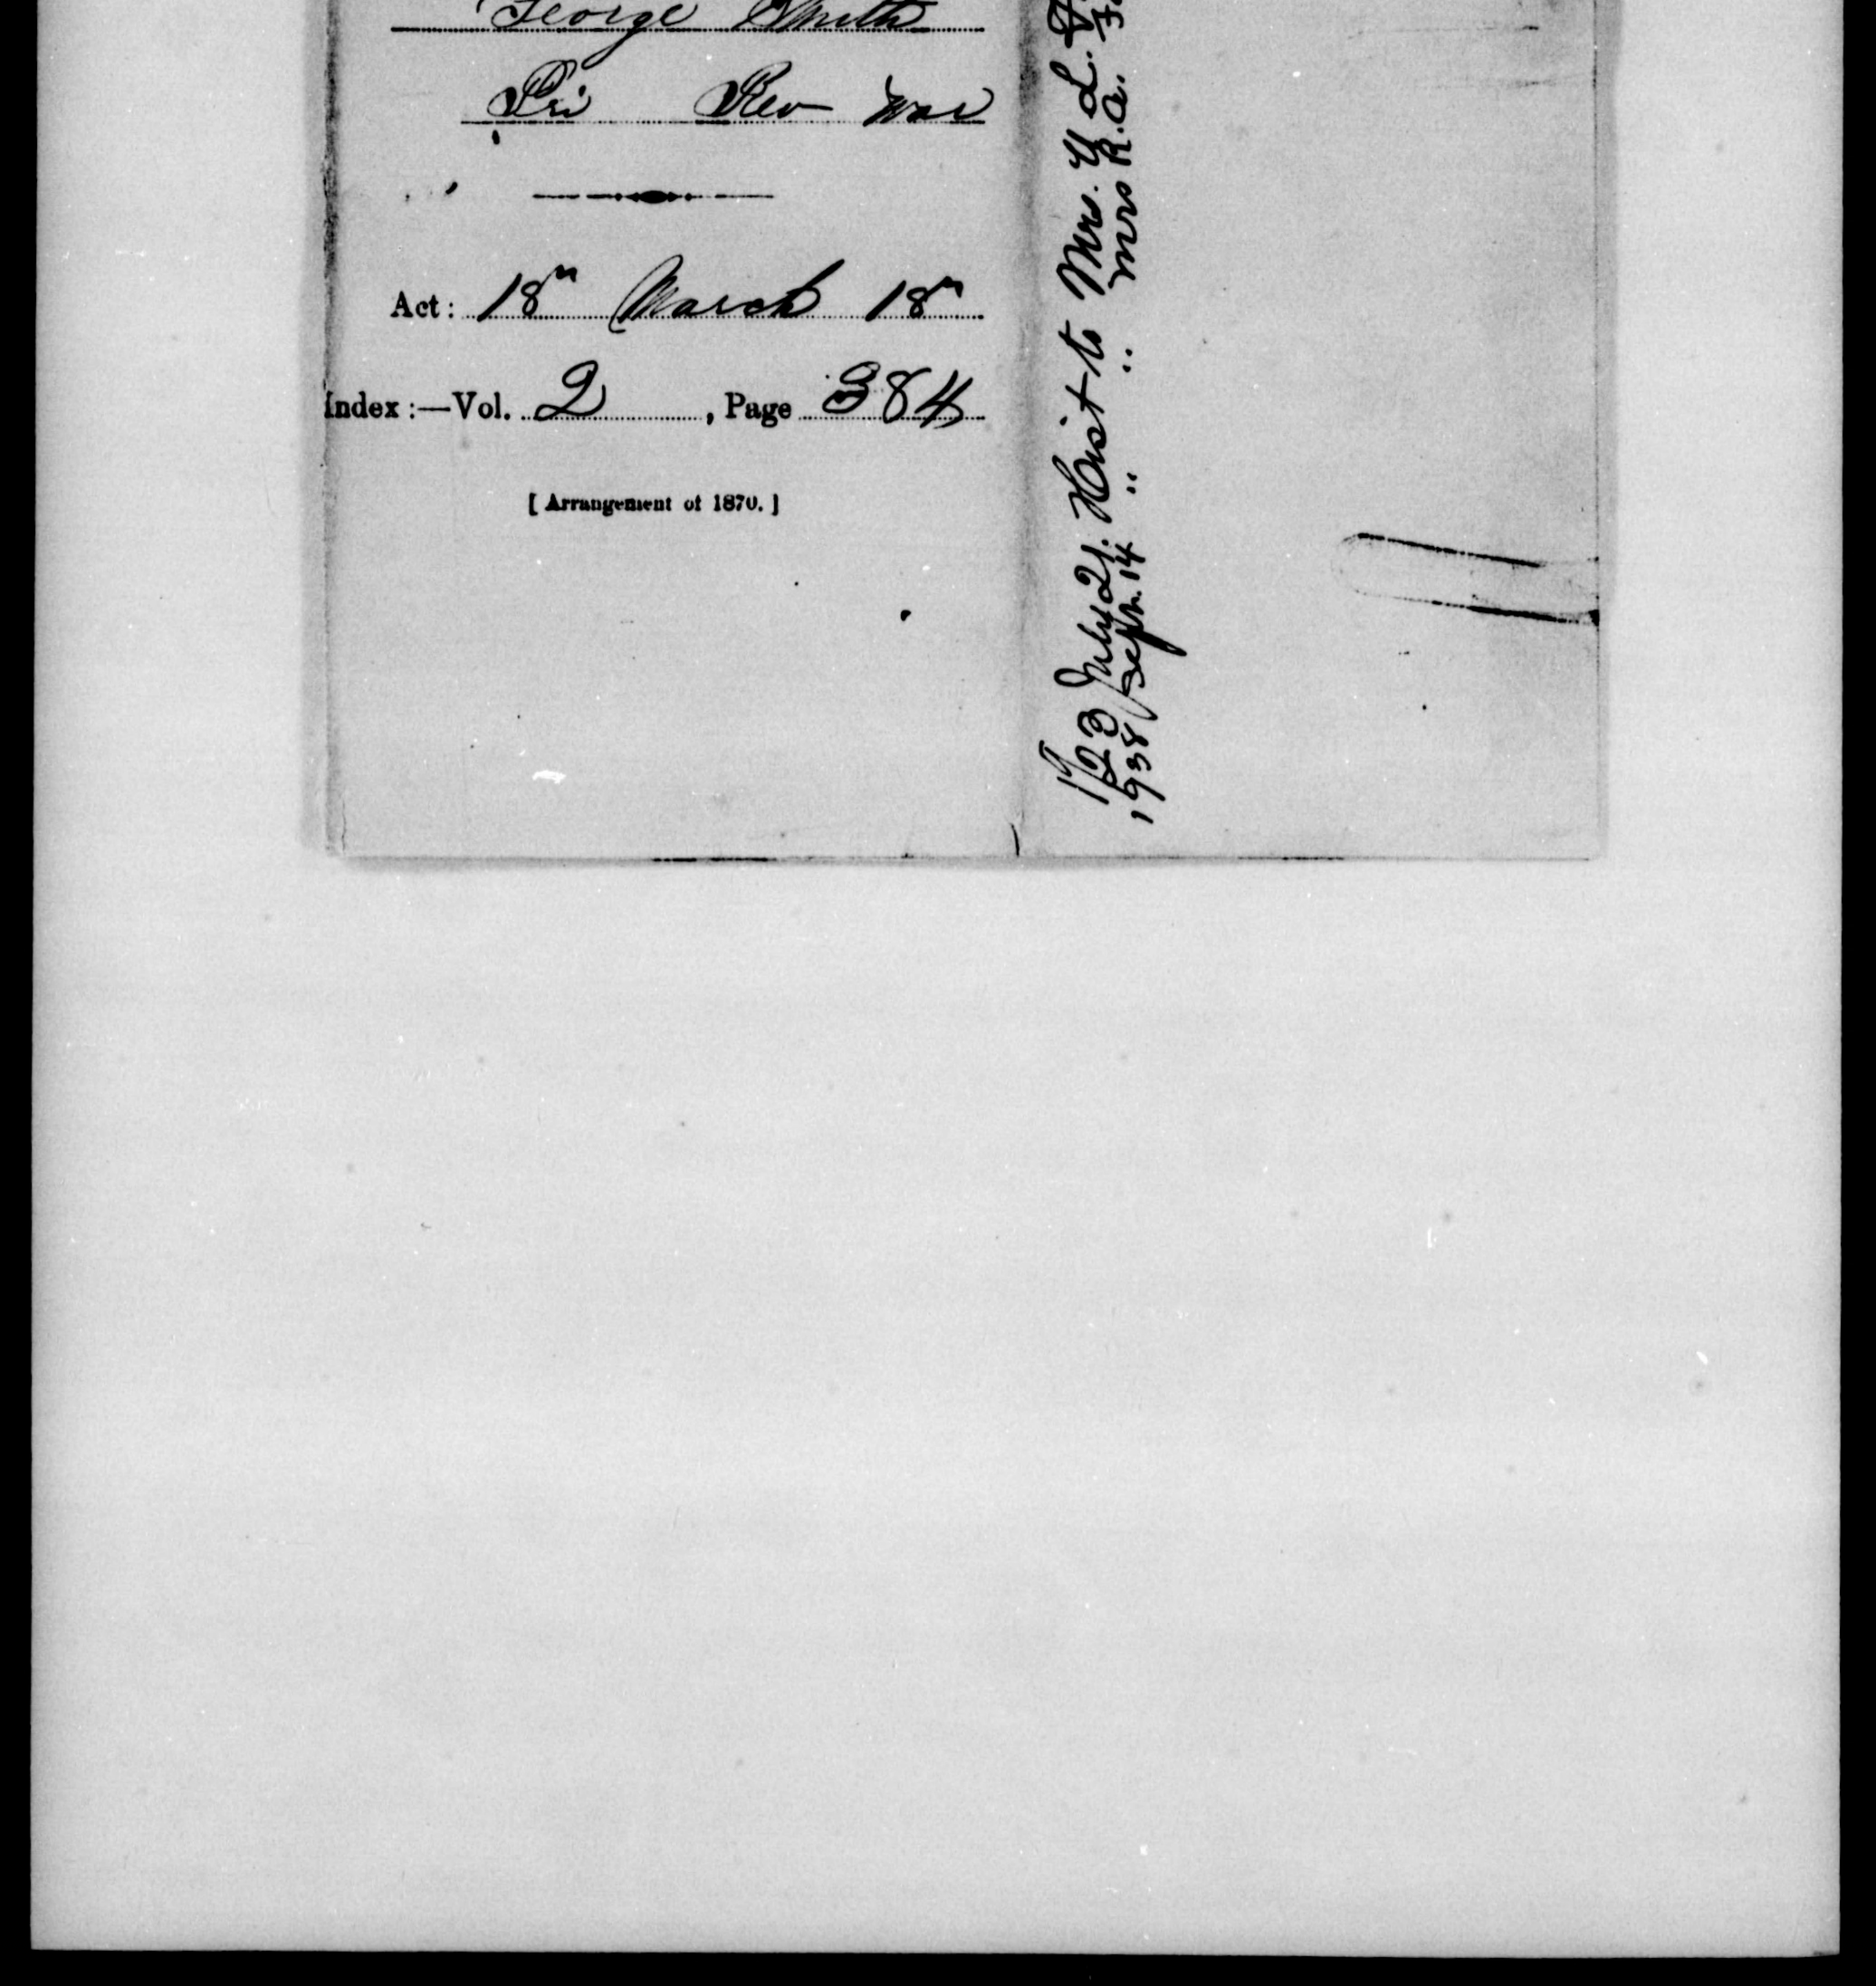George Smith
Priv Rev War
Act: 18 March 18
Indes: - Vol. 2, Page 384
[Arrangement of 1870.]
1923 July 21 Hist to Mrs. V. L {illegible/cutoff}
1938 Sept 14 " " Mrs.? R. A. {illegible/cutoff}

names: George Smith; R A [ILLEGIBLE]; V L [ILLEGIBLE]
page: 12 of 16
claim: survivor's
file: S. 38,386, for George Smith, Virginia